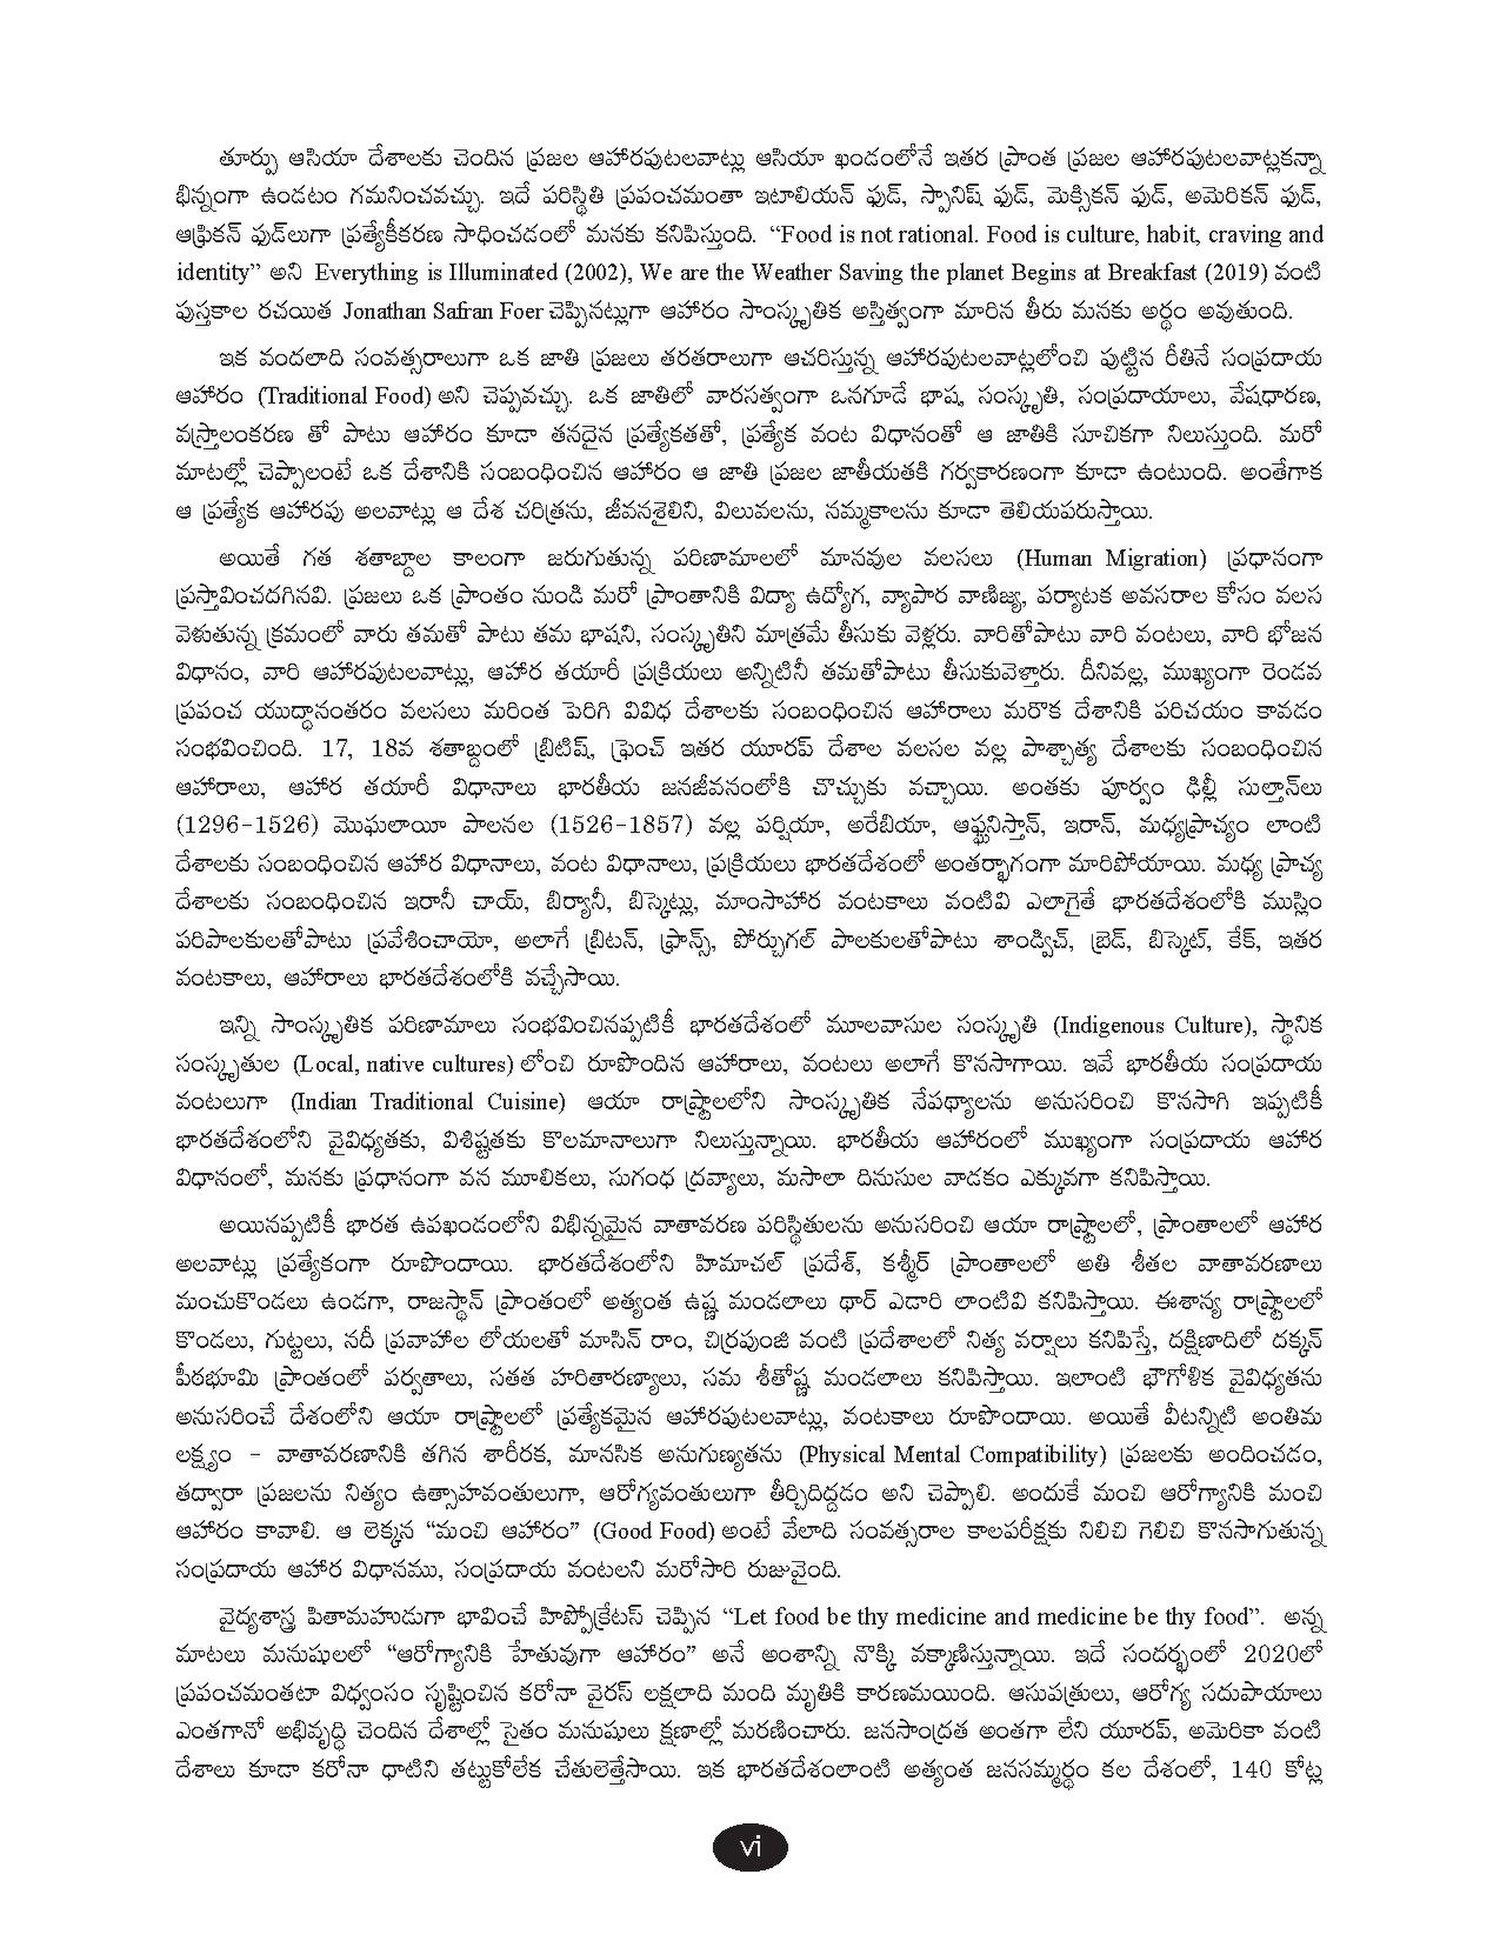తూర్పు ఆసియా దేశాలకు చెందిన ప్రజల ఆహారపుటలవాట్లు ఆసియా ఖండంలోనే ఇతర ప్రాంత ప్రజల ఆహారపు టలవాట్లకన్నా భిన్నంగా ఉండటం గమనించవచ్చు. ఇదే పరిస్థితి ప్రపంచమంతా ఇటాలియన్ ఫుడ్, స్పానిష్ ఫుడ్, మెక్సికన్ ఫుడ్, అమెరికన్ ఫుడ్, ఆఫ్రికన్ ఫుడ్లుగా ప్రత్యేకీకరణ సాధించడంలో మనకు కనిపిస్తుంది. "Food is not rational. Food is culture, habit, craving and identity” అని Everything is Illuminated (2002), We are the Weather Saving the planet Begins at Breakfast (2019) వంటి పుస్తకాల రచయిత Jonathan Safran Foer చెప్పినట్లుగా ఆహారం సాంస్కృతిక అస్తిత్వంగా మారిన తీరు మనకు అర్థం అవుతుంది.

ఇక వందలాది సంవత్సరాలుగా ఒక జాతి ప్రజలు తరతరాలుగా ఆచరిస్తున్న ఆహారపుటలవాట్లలోంచి పుట్టిన రీతినే సంప్రదాయ ఆహారం (Traditional Food) అని చెప్పవచ్చు. ఒక జాతిలో వారసత్వంగా ఒనగూడే భాష, సంస్కృతి, సంప్రదాయాలు, వేషధారణ, వస్త్రాలంకరణ తో పాటు ఆహారం కూడా తనదైన ప్రత్యేకతతో, ప్రత్యేక వంట విధానంతో ఆ జాతికి సూచికగా నిలుస్తుంది. మరో మాటల్లో చెప్పాలంటే ఒక దేశానికి సంబంధించిన ఆహారం ఆ జాతి ప్రజల జాతీయతకి గర్వకారణంగా కూడా ఉంటుంది. అంతేగాక ఆ ప్రత్యేక ఆహారపు అలవాట్లు ఆ దేశ చరిత్రను, జీవనశైలిని, విలువలను, నమ్మకాలను కూడా తెలియపరుస్తాయి.

అయితే గత శతాబ్దాల కాలంగా జరుగుతున్న పరిణామాలలో మానవుల వలసలు (Human Migration) ప్రధానంగా
ప్రస్తావించదగినవి. ప్రజలు ఒక ప్రాంతం నుండి మరో ప్రాంతానికి విద్యా ఉద్యోగ, వ్యాపార వాణిజ్య, పర్యాటక అవసరాల కోసం వలస వెళుతున్న క్రమంలో వారు తమతో పాటు తమ భాషని, సంస్కృతిని మాత్రమే తీసుకు వెళ్లరు. వారితోపాటు వారి వంటలు, వారి భోజన విధానం, వారి ఆహారపుటలవాట్లు, ఆహార తయారీ ప్రక్రియలు అన్నిటినీ తమతోపాటు తీసుకువెళ్తారు. దీనివల్ల, ముఖ్యంగా రెండవ ప్రపంచ యుద్ధానంతరం వలసలు మరింత పెరిగి వివిధ దేశాలకు సంబంధించిన ఆహారాలు మరొక దేశానికి పరిచయం కావడం సంభవించింది. 17, 18వ శతాబ్దంలో బ్రిటిష్, ఫ్రెంచ్ ఇతర యూరప్ దేశాల వలసల వల్ల పాశ్చాత్య దేశాలకు సంబంధించిన ఆహారాలు, ఆహార తయారీ విధానాలు భారతీయ జనజీవనంలోకి చొచ్చుకు వచ్చాయి. అంతకు పూర్వం ఢిల్లీ సుల్తాన్ లు (1296-1526) మొఘలాయీ పాలనల (1526-1857) వల్ల పర్షియా, అరేబియా, ఆఫ్ఘనిస్తాన్, ఇరాన్, మధ్యప్రాచ్యం లాంటి దేశాలకు సంబంధించిన ఆహార విధానాలు, వంట విధానాలు, ప్రక్రియలు భారతదేశంలో అంతర్భాగంగా మారిపోయాయి. మధ్య ప్రాచ్య దేశాలకు సంబంధించిన ఇరానీ చాయ్, బిర్యానీ, బిస్కెట్లు, మాంసాహార వంటకాలు వంటివి ఎలాగైతే భారతదేశంలోకి ముస్లిం పరిపాలకులతో పాటు ప్రవేశించాయో, అలాగే బ్రిటన్, ఫ్రాన్స్, పోర్చుగల్ పాలకులతోపాటు శాండ్విచ్, బ్రెడ్, బిస్కెట్, కేక్, ఇతర
వంటకాలు, ఆహారాలు భారతదేశంలోకి వచ్చేసాయి.

ఇన్ని సాంస్కృతిక పరిణామాలు సంభవించినప్పటికీ భారతదేశంలో మూలవాసుల సంస్కృతి (Indigenous Culture), స్థానిక సంస్కృతుల (Local, native cultures) లోంచి రూపొందిన ఆహారాలు, వంటలు అలాగే కొనసాగాయి. ఇవే భారతీయ సంప్రదాయ వంటలుగా (Indian Traditional Cuisine) ఆయా రాష్ట్రాలలోని సాంస్కృతిక నేపథ్యాలను అనుసరించి కొనసాగి ఇప్పటికీ భారతదేశంలోని వైవిధ్యతకు, విశిష్టతకు కొలమానాలుగా నిలుస్తున్నాయి. భారతీయ ఆహారంలో ముఖ్యంగా సంప్రదాయ ఆహార విధానంలో, మనకు ప్రధానంగా వన మూలికలు, సుగంధ ద్రవ్యాలు, మసాలా దినుసుల వాడకం ఎక్కువగా కనిపిస్తాయి.

అయినప్పటికీ భారత ఉపఖండంలోని విభిన్నమైన వాతావరణ పరిస్థితులను అనుసరించి ఆయా రాష్ట్రాలలో, ప్రాంతాలలో ఆహార అలవాట్లు ప్రత్యేకంగా రూపొందాయి. భారతదేశంలోని హిమాచల్ ప్రదేశ్, కశ్మీర్ ప్రాంతాలలో అతి శీతల వాతావరణాలు మంచుకొండలు ఉండగా, రాజస్థాన్ ప్రాంతంలో అత్యంత ఉష్ణ మండలాలు థార్ ఎడారి లాంటివి కనిపిస్తాయి. ఈశాన్య రాష్ట్రాలలోకొండలు, గుట్టలు, నదీ ప్రవాహాల లోయలతో మాసిన్ రాం, చిర్రపుంజి వంటి ప్రదేశాలలో నిత్య వర్షాలు కనిపిస్తే, దక్షిణాదిలో దక్కన్ పీఠభూమి ప్రాంతంలో పర్వతాలు, సతత హరితారణ్యాలు, సమ శీతోష్ణ మండలాలు కనిపిస్తాయి. ఇలాంటి భౌగోళిక వైవిధ్యతను అనుసరించే దేశంలోని ఆయా రాష్ట్రాలలో ప్రత్యేకమైన ఆహారపుటలవాట్లు, వంటకాలు రూపొందాయి. అయితే వీటన్నిటి అంతిమ లక్ష్యం వాతావరణానికి తగిన శారీరక, మానసిక అనుగుణ్యతను (Physical Mental Compatibility) ప్రజలకు అందించడం, తద్వారా ప్రజలను నిత్యం ఉత్సాహ వంతులుగా, ఆరోగ్యవంతులుగా తీర్చిదిద్దడం అని చెప్పాలి. అందుకే మంచి ఆరోగ్యానికి మంచి ఆహారం కావాలి. ఆ లెక్కన “మంచి ఆహారం" (Good Food) అంటే వేలాది సంవత్సరాల కాలపరీక్షకు నిలిచి గెలిచి కొనసాగుతున్న
సంప్రదాయ ఆహార విధానము, సంప్రదాయ వంటలని మరోసారి రుజువైంది.

వైద్యశాస్త్ర పితామహుడుగా భావించే హిప్పోక్రేటస్ చెప్పిన "Let food be thy medicine and medicine be thy food”. అన్న మాటలు మనుషులలో “ఆరోగ్యానికి హేతువుగా ఆహారం" అనే అంశాన్ని నొక్కి వక్కాణిస్తున్నాయి. ఇదే సందర్భంలో 2020లో ప్రపంచమంతటా విధ్వంసం సృష్టించిన కరోనా వైరస్ లక్షలాది మంది మృతికి కారణమయింది. ఆసుపత్రులు, ఆరోగ్య సదుపాయాలు ఎంతగానో అభివృద్ధి చెందిన దేశాల్లో సైతం మనుషులు క్షణాల్లో మరణించారు. జనసాంద్రత అంతగా లేని యూరప్, అమెరికా వంటి దేశాలు కూడా కరోనా ధాటిని తట్టుకోలేక చేతులెత్తేసాయి. ఇక భారతదేశంలాంటి అత్యంత జనసమ్మర్థం కల దేశంలో, 140 కోట్ల